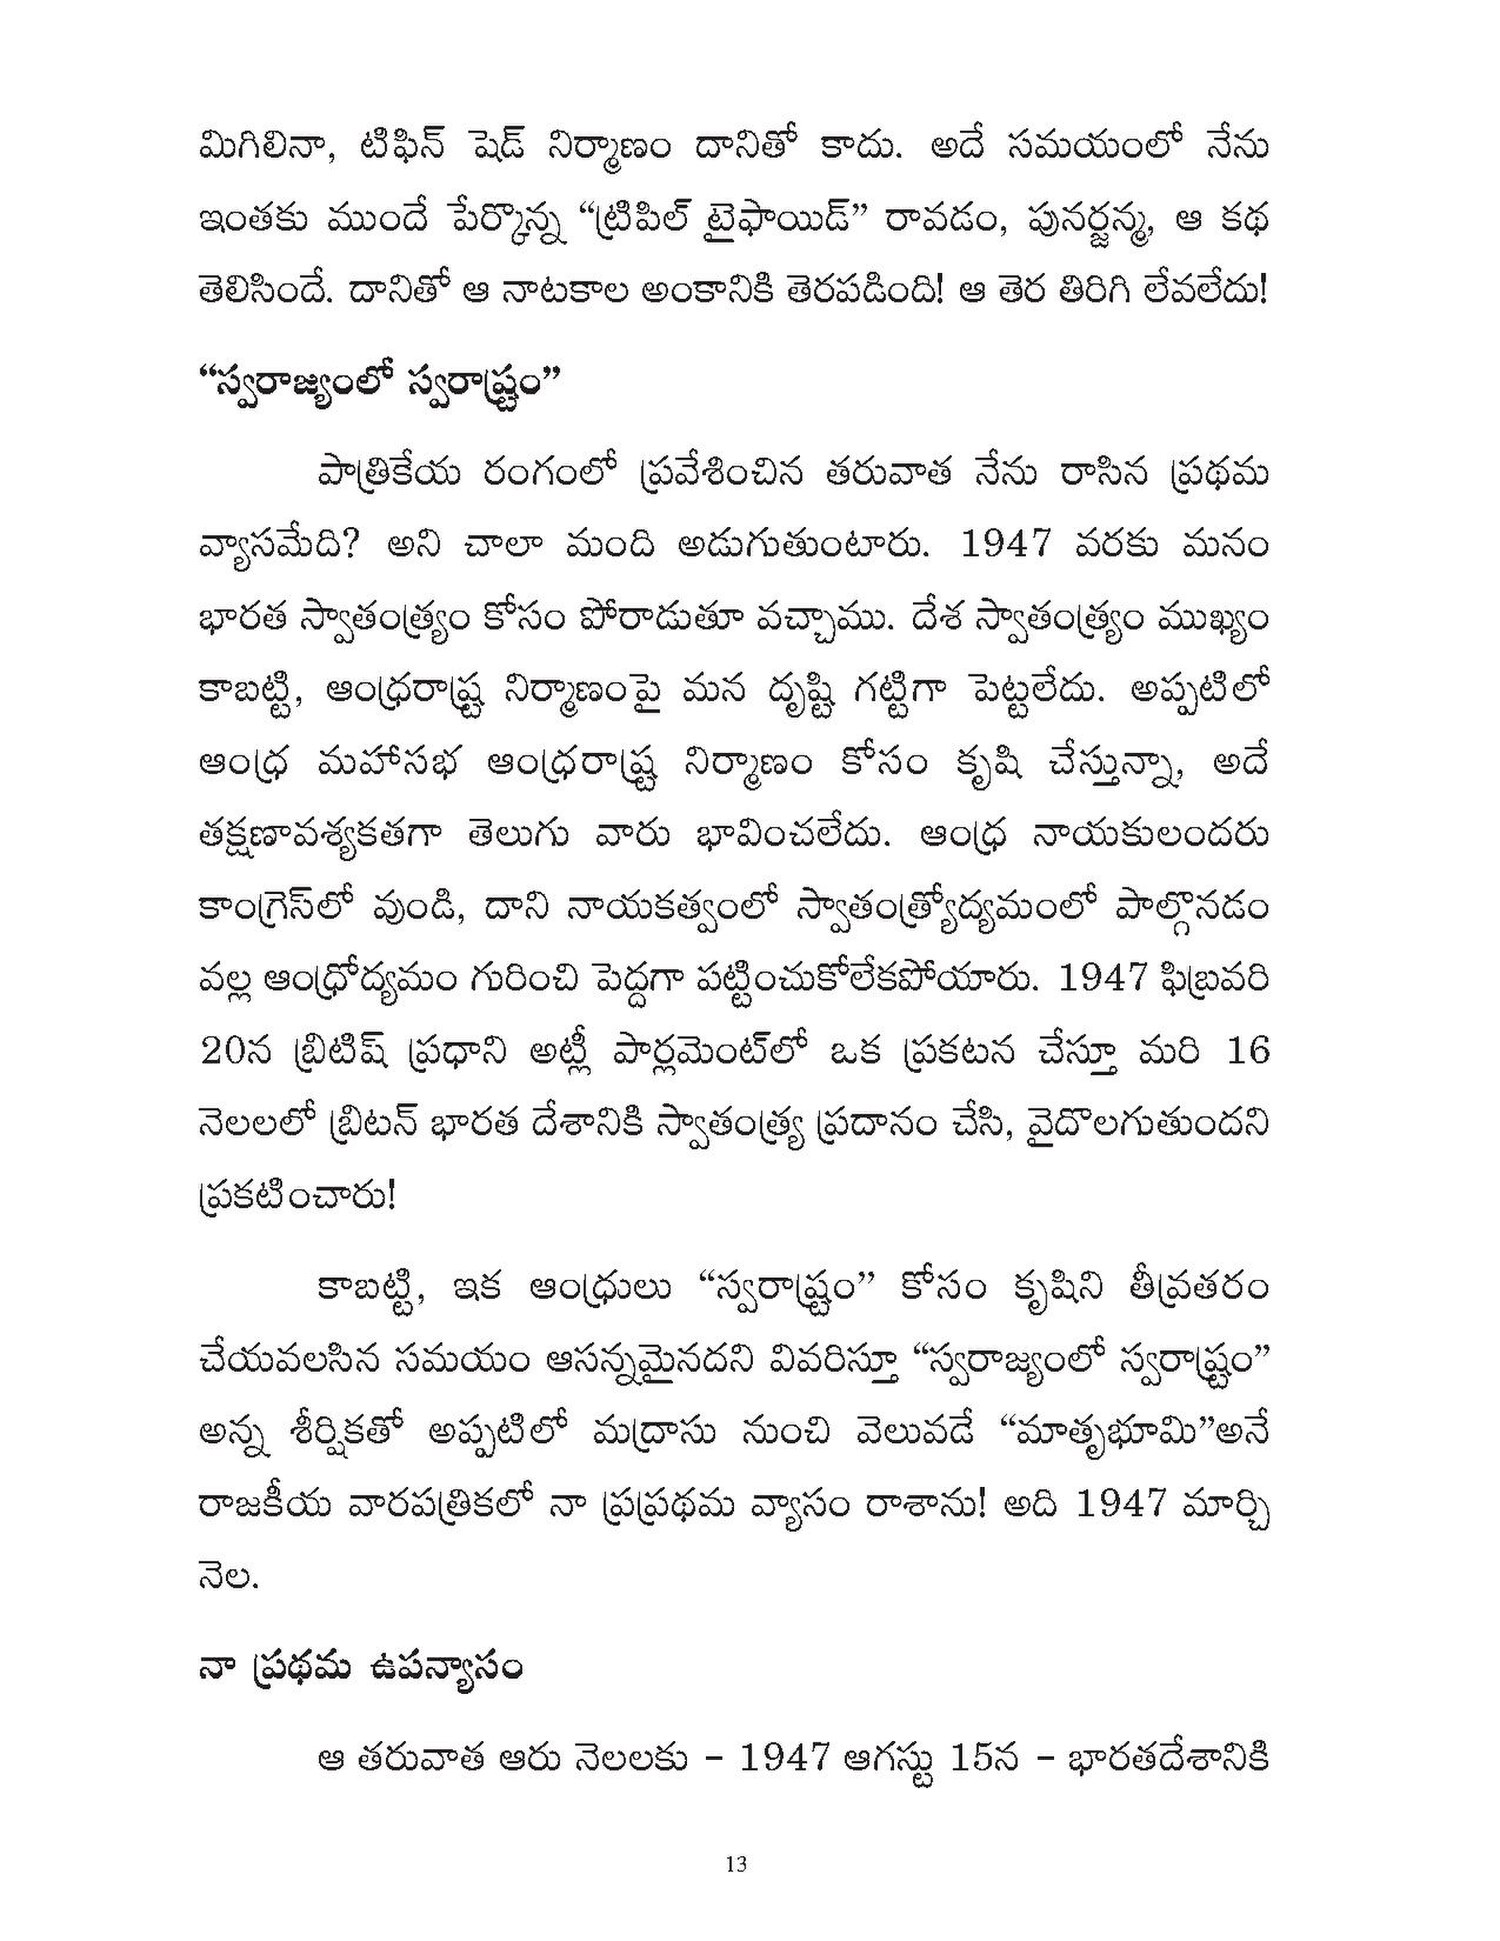మిగిలినా, టిఫిన్‌ షెడ్‌ నిర్మాణం దానితో కాదు. అదే సమయంలో నేను
ఇంతకు ముందే పేర్కొన్న "ట్రిపిల్‌ టైఫాయిడ్‌" రావడం, పునర్జన్మ, ఆ కథ
తెలిసిందే. దానితో ఆ నాటకాల అంకానికి తెరపడింది! ఆ తెర తిరిగి లేవలేదు!

"స్వరాజ్యంలో స్వరాష్ట్రం"
పాత్రికేయ రంగంలో ప్రవేశించిన తరువాత నేను రాసిన ప్రథమ
వ్యాసమేది? అని చాలా మంది అడుగుతుంటారు. 1947 వరకు మనం
భారత స్వాతంత్య్రం కోసం పోరాడుతూ వచ్చాము. దేశ స్వాతంత్య్రం ముఖ్యం
కాబట్టి, ఆంధ్రరాష్ట్ర నిర్మాణంపై మన దృష్టి గట్టిగా పెట్టలేదు. అప్పటిలో
ఆంధ్ర మహాసభ ఆంధ్రరాష్ట్ర నిర్మాణం కోసం కృషి చేస్తున్నా, అదే
తక్షణావశ్యకతగా తెలుగు వారు భావించలేదు. ఆంధ్ర నాయకులందరు
కాంగ్రెస్‌లో వుండి, దాని నాయకత్వంలో స్వాతంత్య్రోద్యమంలో పాల్గొనడం
వల్ల ఆంధ్రోద్యమం గురించి పెద్దగా పట్టించుకోలేకపోయారు. 1947 ఫిబ్రవరి
20న బ్రిటిష్‌ ప్రధాని అట్లీ పార్లమెంట్‌లో ఒక ప్రకటన చేస్తూ మరి 16
నెలలలో బ్రిటన్‌ భారత దేశానికి స్వాతంత్య్ర ప్రదానం చేసి, వైదొలగుతుందని
ప్రకటించారు!

కాబట్టి, ఇక ఆంధ్రులు "స్వరాష్ట్రం" కోసం కృషిని తీవ్రతరం
చేయవలసిన సమయం ఆసన్నమైనదని వివరిస్తూ "స్వరాజ్యంలో స్వరాష్ట్రం"
అన్న శీర్షికతో అప్పటిలో మద్రాసు నుంచి వెలువడే "మాతృభూమి"అనే
రాజకీయ వారపత్రికలో నా ప్రప్రథమ వ్యాసం రాశాను! అది 1947 మార్చి
నెల.

నా ప్రథమ ఉపన్యాసం
ఆ తరువాత ఆరు నెలలకు - 1947 ఆగస్టు 15న - భారతదేశానికి